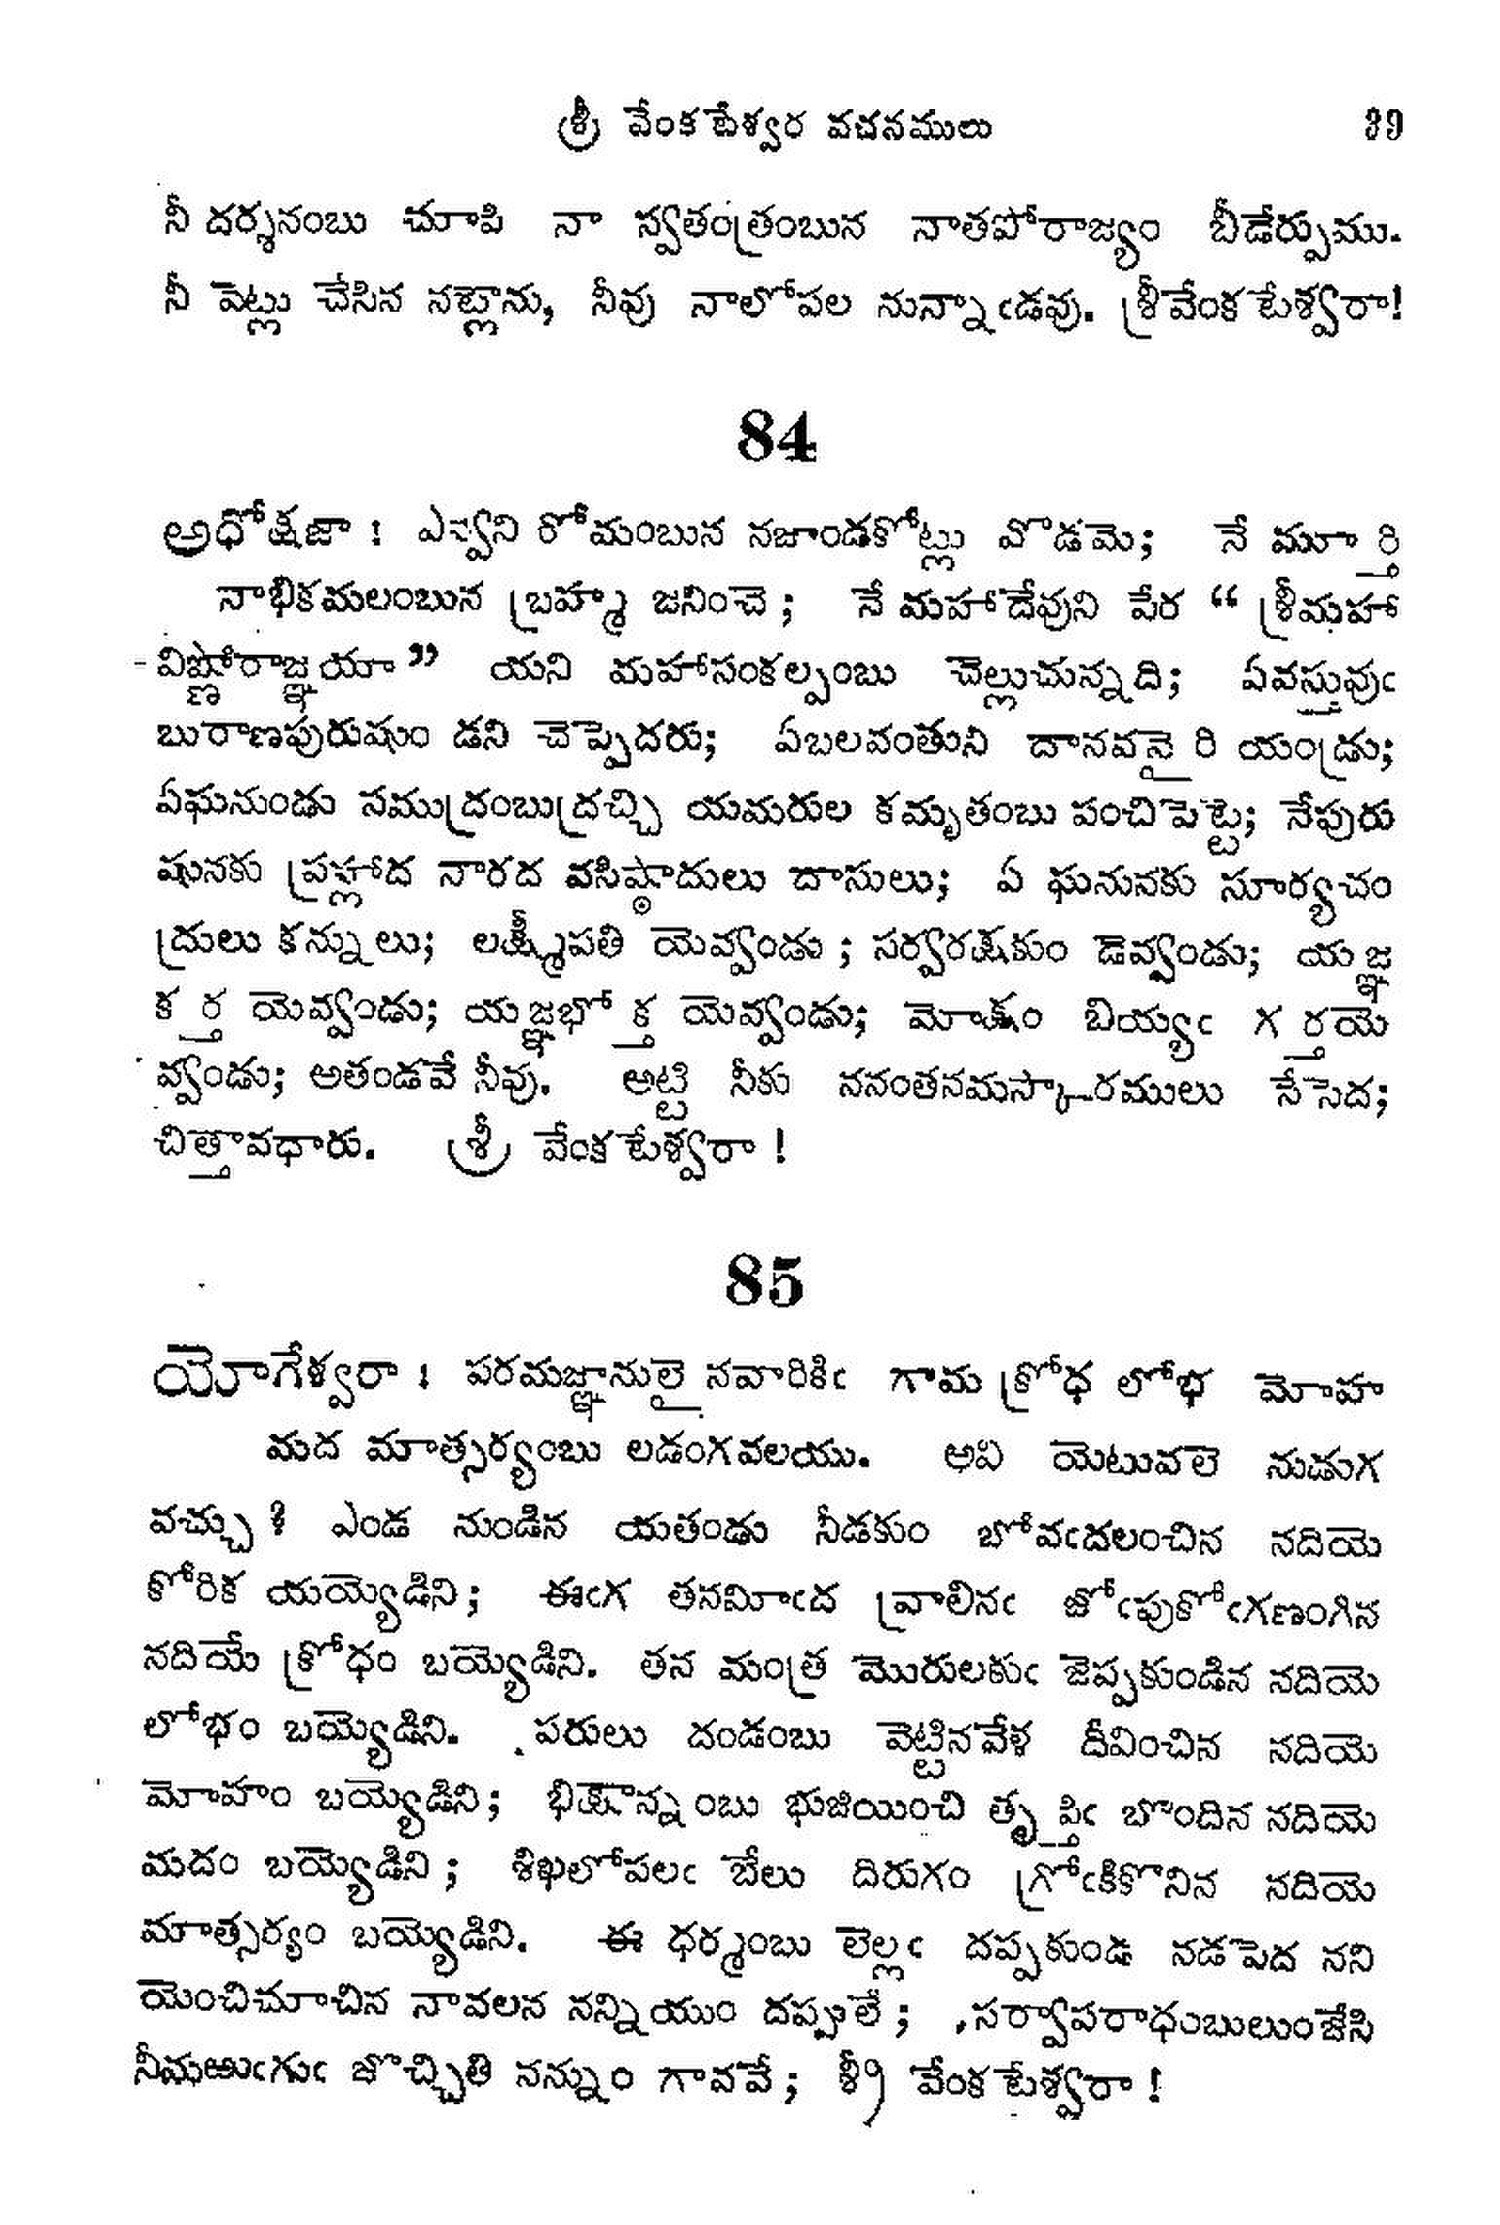నీ దర్శనంబు చూపి నా స్వతంత్రంబున నాతపో రాజ్యం బీడేర్పుము. నీ వెట్లు చేసిన నట్లౌను, నీవు నాలోపల నున్నాఁడవు. శ్రీ వేంకటేశ్వరా!

84

అధోక్షజా ! ఎవ్వనిరోమంబున నజాండకోట్లు వొడమె; నే మూర్తి నాభికమలంబున బ్రహ్మ జనించె; నే మహాదేవుని పేర " శ్రీమహా - విష్ణోరాజ్ఞయా ” యని మహాసంకల్పంబు చెల్లుచున్నది; ఏవస్తువుఁ బురాణపురుషుం డని చెప్పెదరు; ఏబలవంతుని దానవనై రి యండ్రు; ఏఘనుండు సముద్రంబుద్రచ్చి యమరుల కమృతంబు పంచి పెట్టె; నేపురుషునకు ప్రహ్లాద నారద వసిష్ఠాదులు దాసులు; ఏ ఘనునకు సూర్యచంద్రులు కన్నులు; లక్ష్మీపతి యెవ్వండు ; సర్వరక్షకుం డెవ్వండు; యజ్ఞ కర్త యెవ్వఁడు; యజ్ఞభోక్త యెవ్వండు, మోక్షం బియ్య గర్తయెవ్వండు; అతండవే నీవు. అట్టి నీకు ననంతనమస్కారములు సేసెద; చిత్తావధారు. శ్రీ వేంకటేశ్వరా !

85

 ! పరమజ్ఞానులైనవారికిఁ గామ క్రోధ లోభ మోహమద మాత్సర్యంబు లడంగవలయు. అవి యెటువలె నుడుగ వచ్చు? ఎండ నుండిన యతండు నీడకుం బోవఁదలంచిన నదియె కోరిక యయ్యెడిని ; ఈగ తనమీఁద వ్రాలినఁ జోఁపుకోఁగణంగిన నదియే క్రోధం బయ్యెడిని. తన మంత్ర మొరులకుఁ జెప్పకుండిన నదియె లోభం బయ్యెడిని. పరులు దండంబు పెట్టిన వేళ దీవించిన నదియెమోహం బయ్యెడిని; భిక్షాన్నంబు భుజియించి తృప్తి బొందిన నదియె మదం బయ్యెడిని ; శిఖలోపలఁ బేలు దిరుగం గ్రోఁకికొనిన నదియె మాత్సర్యం బయ్యెడిని. ఈ ధర్మంబు లెల్లఁ దప్పకుండ నడపెద నని యెంచిచూచిన నావలన నన్నియుం దప్పులే; సర్వాపరాధంబులుం జేసి నీమఱుగుఁ జొచ్చితి నన్నుం గావవే; 
శ్రీ వేంకటేశ్వరా !